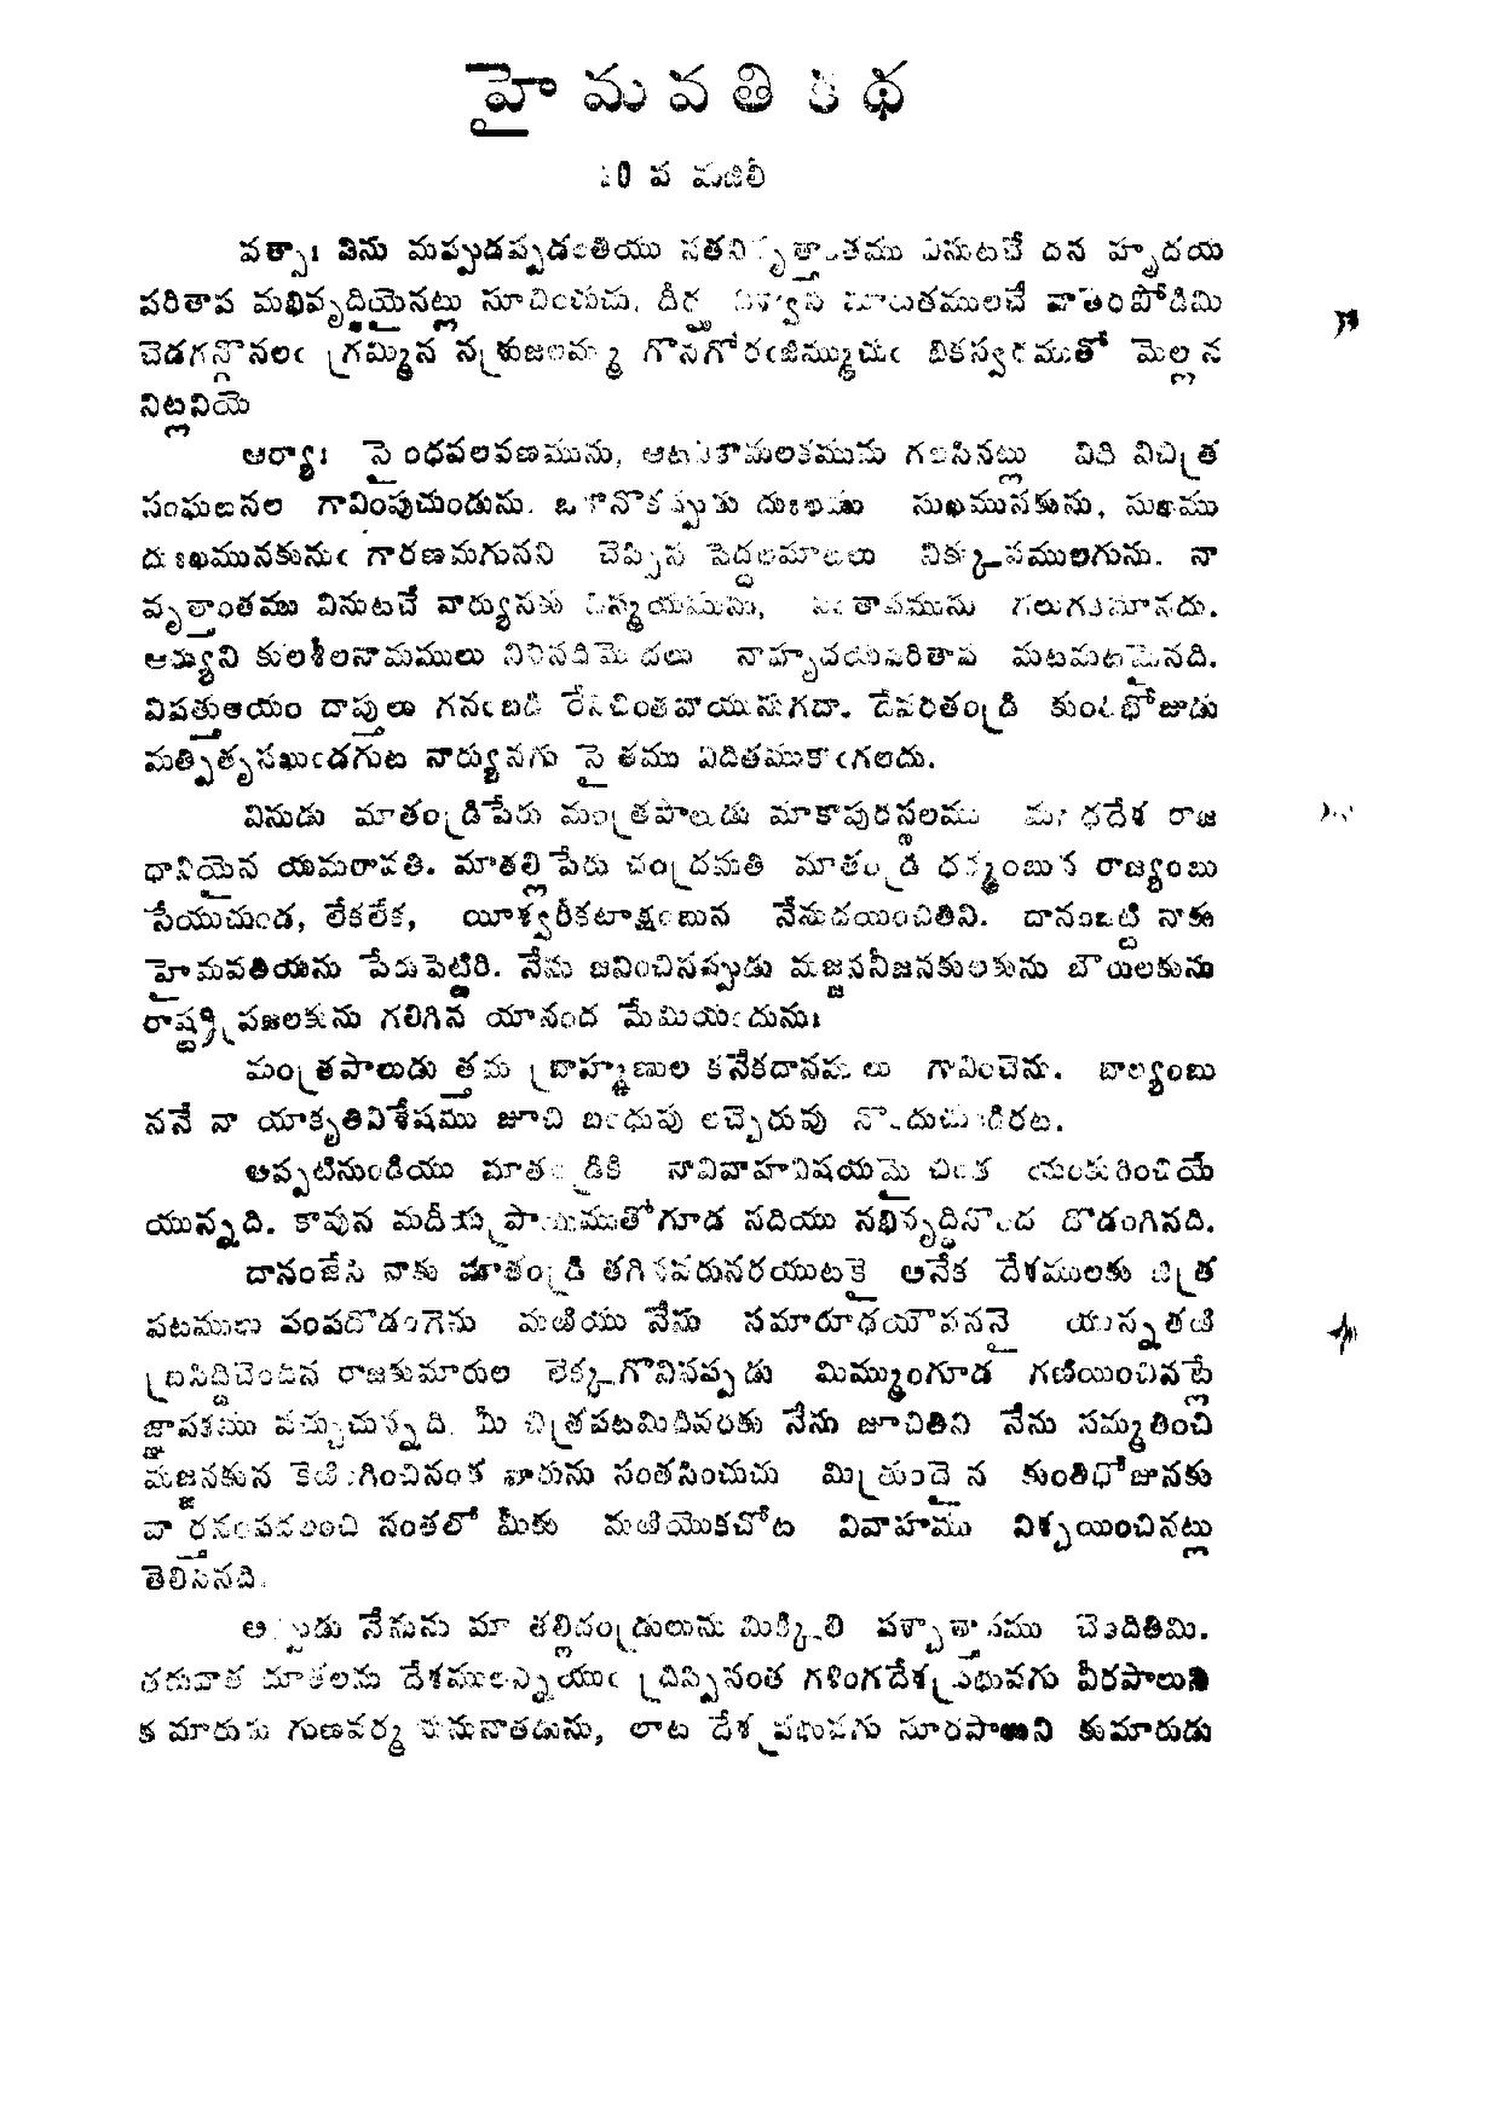హైమవతి కథ
20వ మజిలీ

వత్సా! విను మప్పు డప్పడంతియు నతని వృత్తాంతము వినుటచే దన హృదయపరితాప మభివృద్దియైనట్లు సూచించుచు, దీర్ఘనిశ్వాసమారుతములచే వాతెరపోడిమి చెడ గన్గొనలఁ గ్రమ్మిన నశ్రుజలమ్ము గొనగోరఁ జిమ్ముచుఁ బికస్వరముతో మెల్లన నిట్లనియె.

ఆర్యా! సైంధవలవణమును, ఆటవికామలకమును గలసినట్లు విధి విచిత్రసంఘటనల గావింపుచుండును. ఒకానొకప్పుడు దుఃఖము సుఖమునకును, సుఖము దుఃఖమునకునుఁ గారణమగునని చెప్పిన పెద్దలమాటలు నిక్కువములగును. నా వృత్తాంతము వినుటచే నార్యునకు విస్మయమును, సంతాపమును గలుగకమానదు. ఆర్యుని కులశీలనామములు వినినదిమొదలు నాహృదయపరితాప మటమటమైనది. విపత్తులయం దాప్తులు గనఁబడిరేని చింతవాయునుగదా. దేవరతండ్రి కుంతిభోజుడు మత్పితృసఖుఁడగుట నార్యునగు సైతము విదితముకాఁగలదు.

వినుడు మాతండ్రిపేరు మంత్రపాలుడు. మాకాపురస్థలము మగధదేశ రాజధానియైన యమరావతి. మాతల్లి పేరు చంద్రమతి. మాతండ్రి ధర్మంబున రాజ్యంబు సేయుచుండ, లేకలేక, యీశ్వరీకటాక్షంబున నేనుదయించితిని. దానంబట్టి నాకు హైమవతియను పేరుపెట్టిరి. నేను జనించినప్పుడు మజ్జననీజనకులకును బౌరులకును రాష్ట్ర ప్రజలకును గలిగిన యానంద మేమియందును!

మంత్రపాలు డుత్తమబ్రాహ్మణుల కనేకదానములు గావించెను. బాల్యంబుననే నా యాకృతివిశేషము జూచి బంధువు లచ్చెరువు నొందుచుండిరట.

అప్పటినుండియు మాతండ్రికి నావివాహవిషయమై చింత యంకురించియే యున్నది. కావున మదీయప్రాయముతోగూడ నదియు నభివృద్ధినొందదొడంగినది.

దానంజేసి నాకు మాతండ్రి తగినవరునరయుటకై అనేకదేశములకు చిత్రపటములు పంపదొడంగెను. మఱియు నేను సమారూఢయౌవననై యున్నతఱి బ్రసిద్దిచెందిన రాజకుమారుల లెక్కగొనినప్పుడు మిమ్ముంగూడ గణియించినట్లే జ్ఞాపకము వచ్చుచున్నది. మీ చిత్రపట మిదివరకు నేను జూచితిని నేను సమ్మతించి మజ్జనకున కెఱింగించినంత వారును సంతసించుచు మిత్రుండైన కుంతిభోజునకు
వార్తనంపదలంచి నంతలో మీకు మఱియొకచోట వివాహము నిశ్చయించినట్లు తెలిసినది.

అప్పుడు నేనును మా తల్లిదండ్రులును మిక్కిలి పశ్చాత్తాపము చెందితిమి. తరువాత దూతలను దేశములన్నియుఁ ద్రిప్పినంత గళింగదేశప్రభువగు వీరపాలునికుమారుడు గుణవర్మయనునాతడును, లాటదేశప్రభువగు సూరపాలుని కుమారుడు